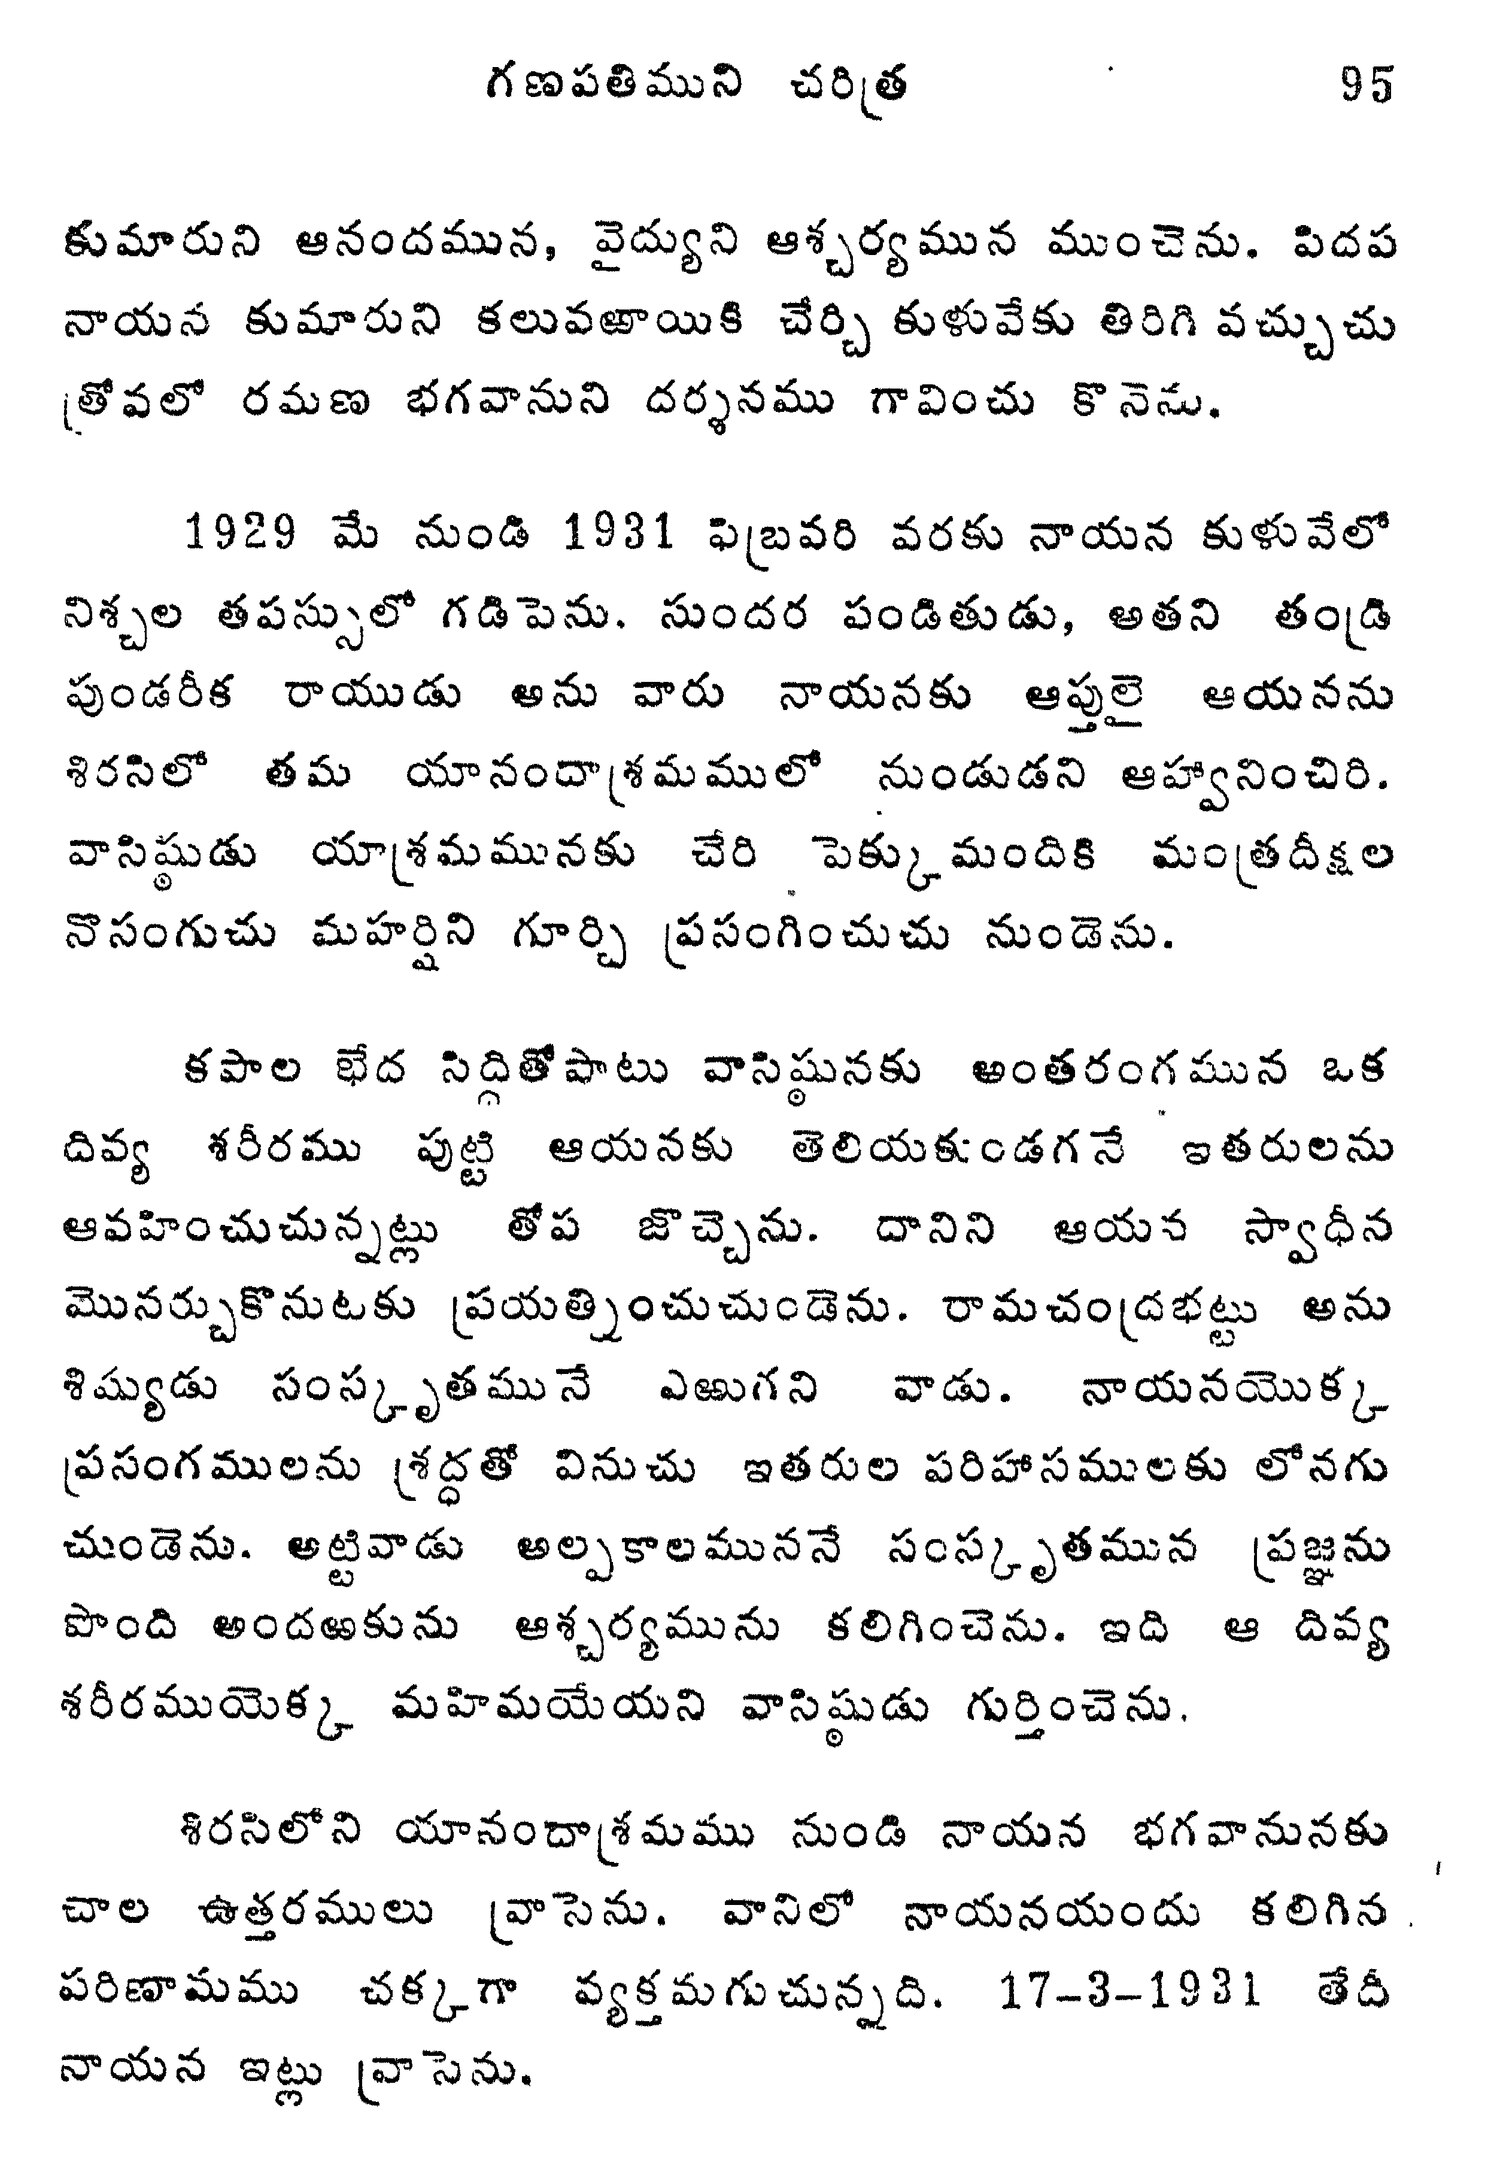కుమారుని ఆనందమున, వైద్యుని ఆశ్చర్యమున ముంచెను. పిదప నాయన కుమారుని కలువఱాయికి చేర్చి కుళువేకు తిరిగి వచ్చుచు త్రోవలో రమణ భగవానుని దర్శనము గావించు కొనెను.

1929 మే నుండి 1931 ఫిబ్రవరి వరకు నాయన కుళువేలో నిశ్చల తపస్సులో గడిపెను. సుందర పండితుడు, అతని తండ్రి పుండరీక రాయుడు అను వారు నాయనకు ఆప్తులై ఆయనను శిరసిలో తమ యానందాశ్రమములో నుండుడని ఆహ్వానించిరి. వాసిష్ఠుడు యాశ్రమమునకు చేరి పెక్కు మందికి మంత్రదీక్షల నొసంగుచు మహర్షిని గూర్చి ప్రసంగించుచు నుండెను.

కపాల భేద సిద్దితోపాటు వాసిష్ఠునకు అంతరంగమున ఒక దివ్య శరీరము పుట్టి ఆయనకు తెలియకుండగనే ఇతరులను ఆవహించుచున్నట్లు తోప జొచ్చెను. దానిని ఆయన స్వాధీన మొనర్చుకొనుటకు ప్రయత్నించుచుండెను. రామచంద్రభట్టు అను శిష్యుడు సంస్కృతమునే ఎఱుగని వాడు. నాయనయొక్క ప్రసంగములను శ్రద్దతో వినుచు ఇతరుల పరిహాసములకు లోనగు చుండెను. అట్టివాడు అల్పకాలముననే సంస్కృతమున ప్రజ్ఞను పొంది అందఱకును ఆశ్చర్యమును కలిగించెను. ఇది ఆ దివ్య శరీరముయొక్క మహిమయేయని వాసిష్ఠుడు గుర్తించెను.

శిరసిలోని యానందాశ్రమము నుండి నాయన భగవానునకు చాల ఉత్తరములు వ్రాసెను. వానిలో నాయనయందు కలిగిన పరిణామము చక్కగా వ్యక్తమగుచున్నది. 17-3-1931 తేది నాయన ఇట్లు వ్రాసెను.